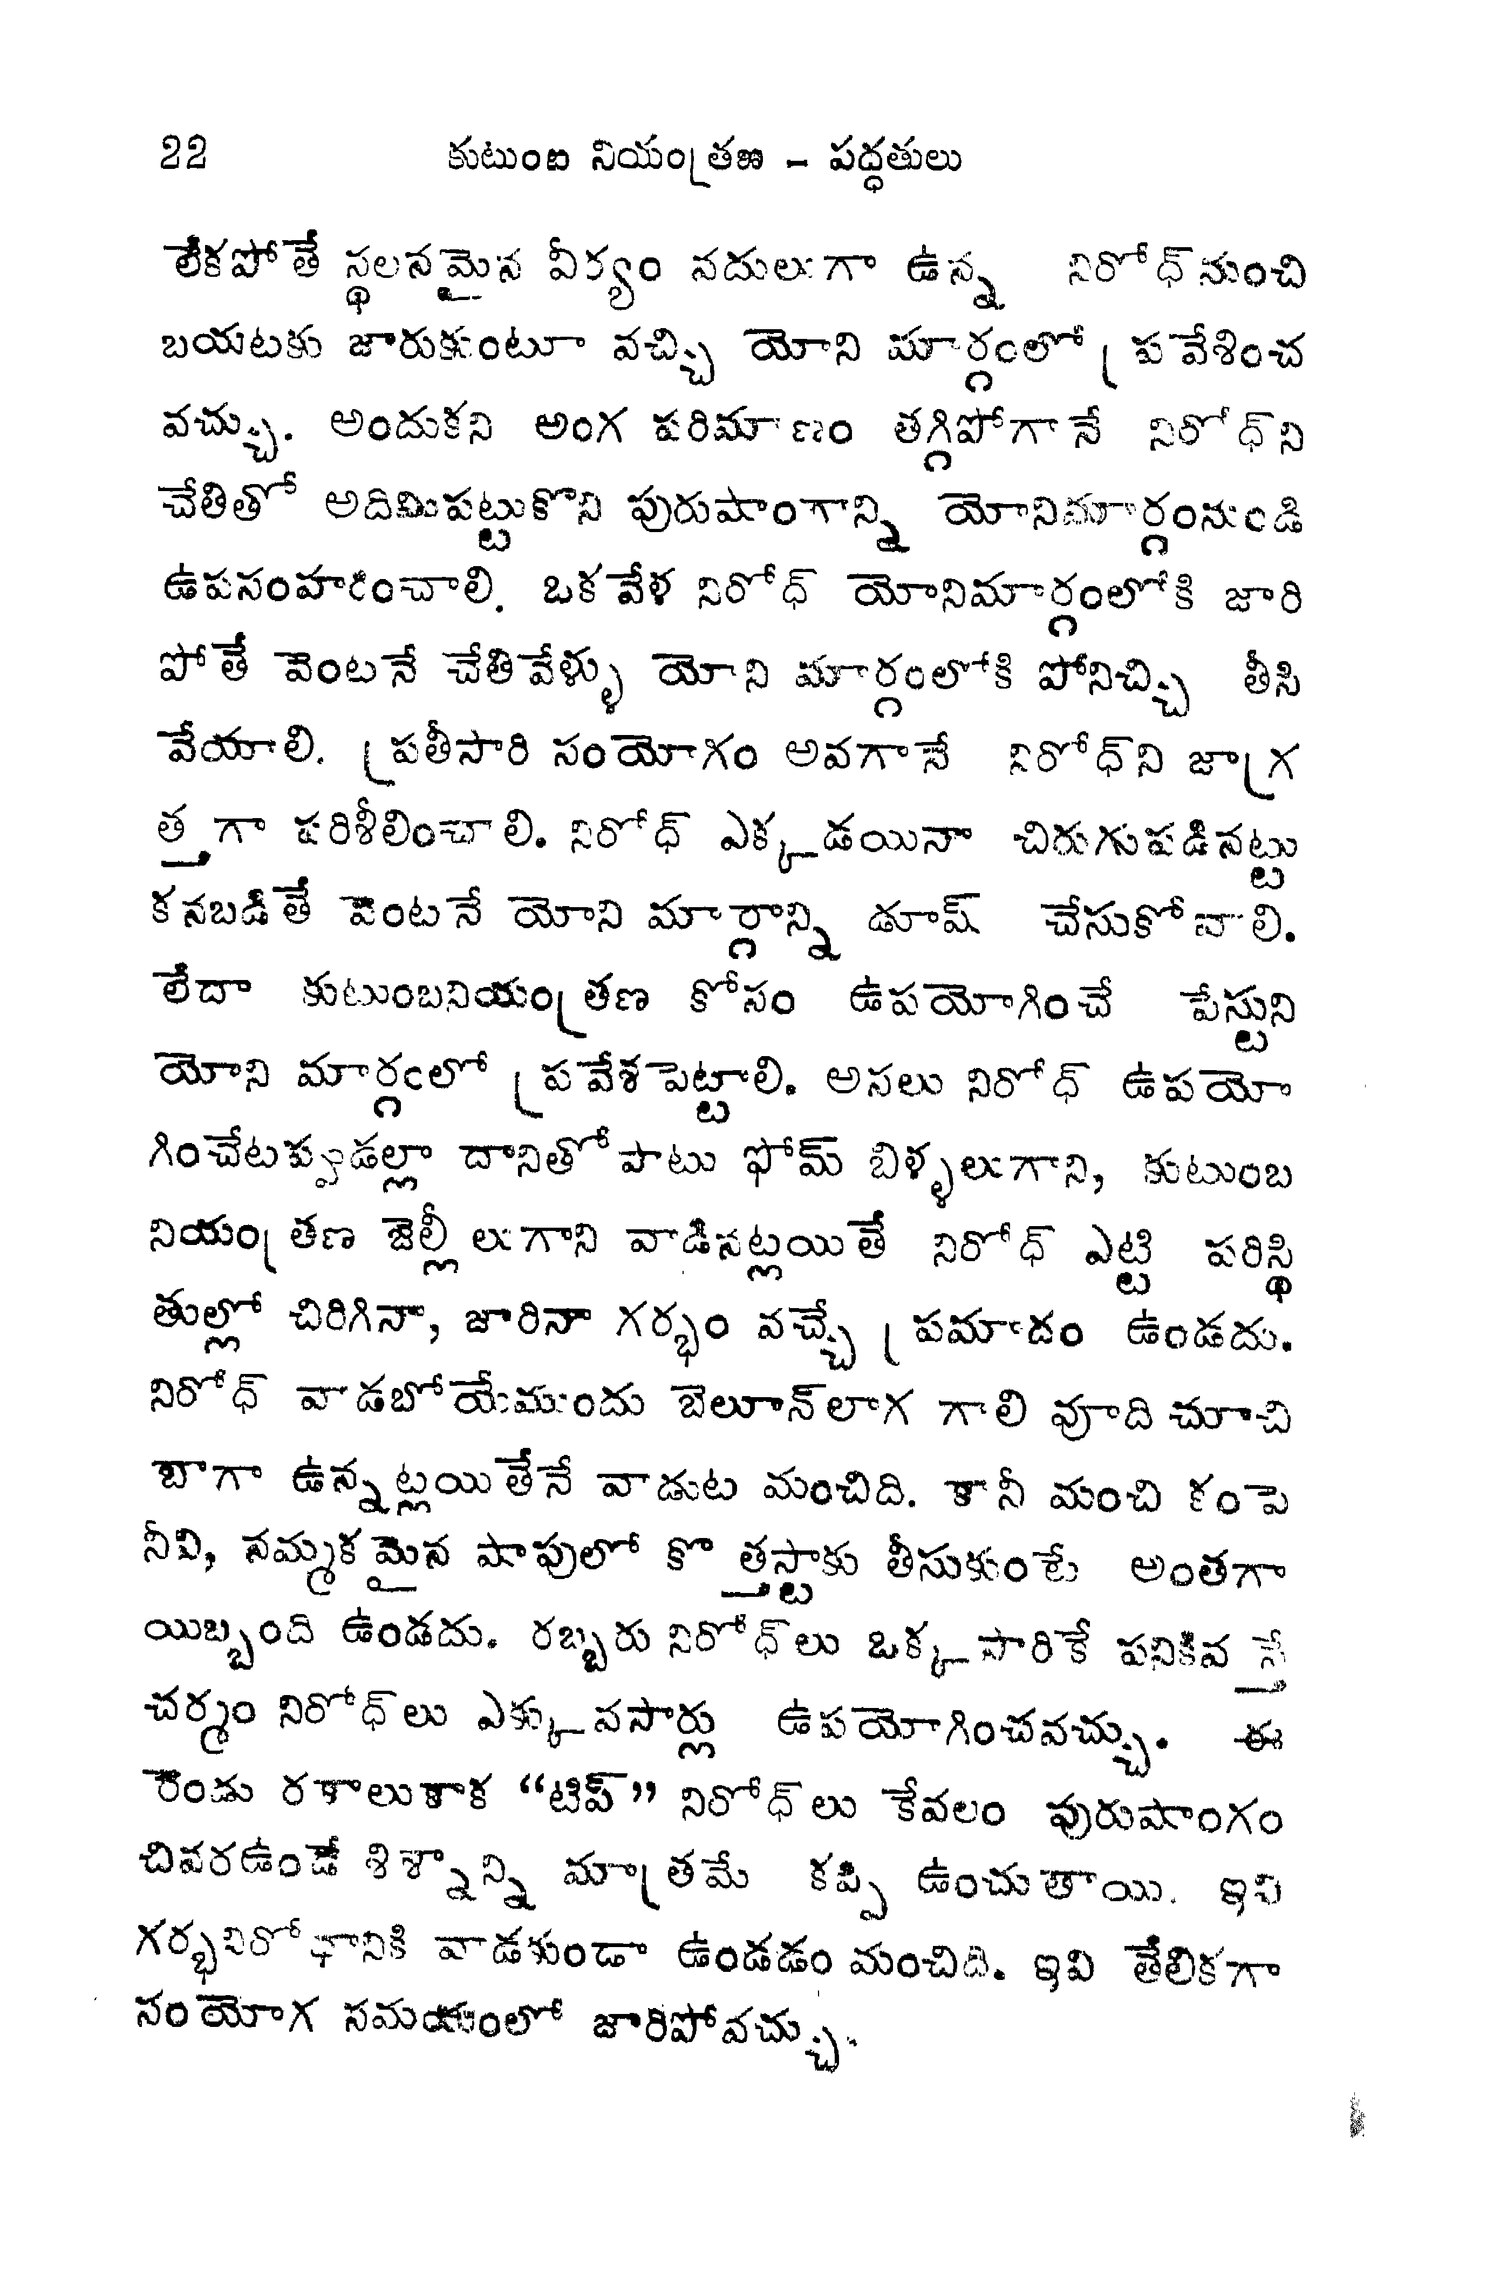లేకపోతే స్థలనమైన వీర్యం వదులుగా ఉన్న నిరోధ్‌నుంచి బయటకు జారుకుంటూ వచ్చి యోని మార్గంలో ప్రవేశించ వచ్చు. అందుకని అంగ పరిమాణం తగ్గిపోగానే నిరోధ్‌ని చేతితో అదిమిపట్టుకొని పురుషాంగాన్ని యోనిమార్గంనుండి ఉపసంహరించాలి. ఒకవేళ నిరోధ్ యోనిమార్గంలోకి జారిపోతే వెంటనే చేతివేళ్ళు యోని మార్గంలోకి పోనిచ్చి తీసివేయాలి. ప్రతీసారి సంయోగం అవగానే నిరోధ్‌ని జాగ్రత్తగా పరిశీలించాలి. నిరోధ్ ఎక్కడయినా చిరుగుపడినట్టు కనబడితే వెంటనే యోని మార్గాన్ని డూష్ చేసుకోవాలి. లేదా కుటుంబనియంత్రణ కోసం ఉపయోగించే పేష్టుని యోని మార్గంలో ప్రవేశపెట్టాలి. అసలు నిరోధ్ ఉపయోగించేటప్పుడల్లా దానితో పాటు ఫోమ్ బిళ్ళలుగాని, కుటుంబనియంత్రణ జెల్లీలుగాని వాడినట్లయితే నిరోధ్ ఎట్టి పరిస్థితుల్లో చిరిగినా, జారినా గర్భం వచ్చే ప్రమాదం ఉండదు. నిరోధ్ వాడబోయేముందు బెలూన్‌లాగ గాలి వూది చూచి బాగా ఉన్నట్లయితేనే వాడుట మంచిది. కానీ మంచి కంపెనీవి, నమ్మకమైన షాపులో కొత్తస్టాకు తీసుకుంటే అంతగా యిబ్బంది ఉండదు. రబ్బరు నిరోధ్‌లు ఒక్కసారికే పనికివస్తే చర్మం నిరోధ్‌లు ఎక్కువసార్లు ఉపయోగించవచ్చు. ఈ రెండు రకాలుకాక "టిప్" నిరోధ్‌లు కేవలం పురుషాంగం చివరఉండే శిశ్నాన్ని మాత్రమే కప్పి ఉంచుతాయి. ఇవి గర్భనిరోధానికి వాడకుండా ఉండడం మంచిది. ఇవి తేలికగా సంయోగ సమయం లో జారిపోవచ్చు.